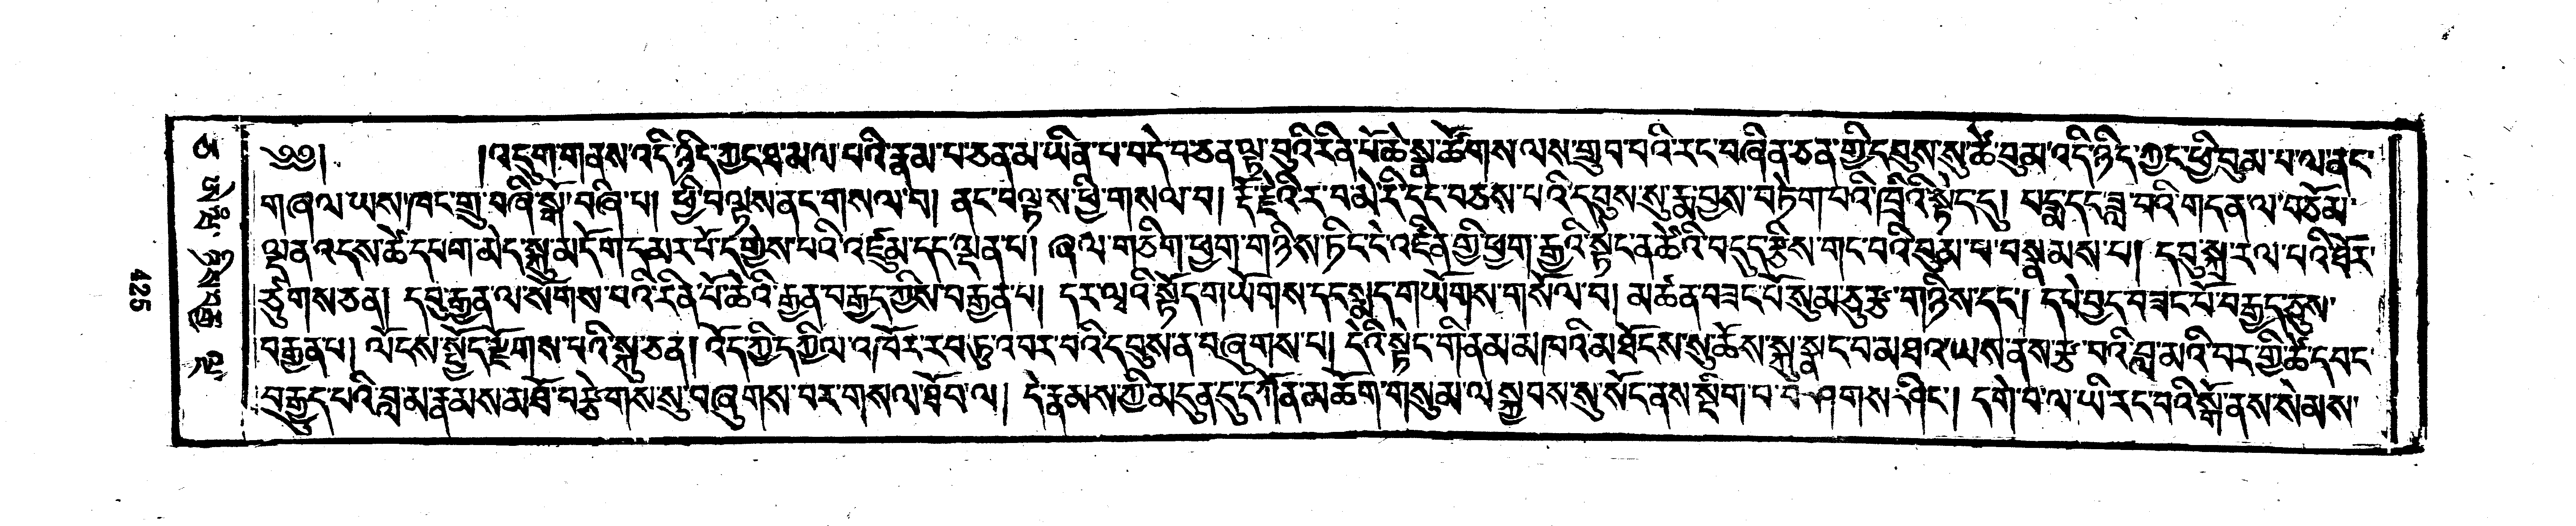༄༅། །འདུག་གནས་འདི་ཉིད་ཀྱང་ཐ་མལ་པའི་རྣམ་པ་ཅན་མ་ཡིན་པ་བདེ་བ་ཅན་ལྟ་བུའི་རིན་པོ་ཆེ་སྣ་ཚོགས་ལས་གྲུབ་པའི་རང་བཞིན་ཅན་གྱི་དབུས་སུ་ཚེ་བུམ་འདི་ཉིད་ཀྱང་ཕྱི་བུམ་པ་ལ་ནང་
གཞལ་ཡས་ཁང་གྲུ་བཞི་སྒོ་བཞི་པ། ཕྱི་བལྟས་ནང་གསལ་བ། ནང་བལྟས་ཕྱི་གསལ་བ། རྡོ་རྗེའི་ར་བ་མེ་རི་དང་བཅས་པའི་དབུས་སུ་རྨ་བྱས་བཏེག་པའི་ཁྲིའི་སྟེང་དུ། པདམ་དང་ཟླ་བའི་གདན་ལ་བཅོམ་
ལྡན་འདས་ཚེ་དཔག་མེད་སྐུ་མདོག་དམར་པོ་དགྱེས་པའི་འཛུམ་དང་ལྡན་པ། ཞལ་གཅིག་ཕྱག་གཉིས་ཏིང་ངེ་འཛིན་གྱི་ཕྱག་རྒྱའི་སྟེང་ན་ཚེའི་བདུད་རྩིས་གང་བའི་བུམ་པ་བསྣམས་པ། དབུ་སྐྲ་རལ་པའི་ཐོར་
ཙུགས་ཅན། དབུ་རྒྱན་ལ་སོགས་པའི་རིན་པོ་ཆེའི་རྒྱན་བརྒྱད་ཀྱིས་བརྒྱན་པ། དར་ལའི་སྟོད་གཡོགས་དང་སྨད་གཡོགས་གསོལ་བ། མཚན་བཟང་པོ་སུམ་ཅུ་རྩ་གཉིས་དང་། དཔེ་བྱད་བཟང་པོ་བརྒྱད་ཅུས་
བརྒྱན་པ། ལོངས་སྤྱོད་རྫོགས་པའི་སྐུ་ཅན། འོད་ཀྱི་དཀྱིལ་འཁོར་རབ་ཏུ་འབར་བའི་དབུས་ན་བཞུགས་པ། དེའི་སྟེང་གི་ནམ་མཁའི་མཐོངས་སུ་ཆོས་སྐུ་སྣང་བ་མཐའ་ཡས་ནས་རྩ་བའི་བླ་མའི་བར་གྱི་ཚེ་དབང་
བརྒྱུད་པའི་བླ་མ་རྣམས་མཐོ་བརྩེགས་སུ་བཞུགས་པར་གསལ་ཐོབ་ལ། དེ་རྣམས་ཀྱི་མདུན་དུ་དཀོན་མཆོག་གསུམ་ལ་སྐྱབས་སུ་སོང་ནས་སྡིག་པ་བཤགས་ཤིང་། དགེ་བ་ལ་ཡི་རང་བའི་སྒོ་ནས་སེམས་